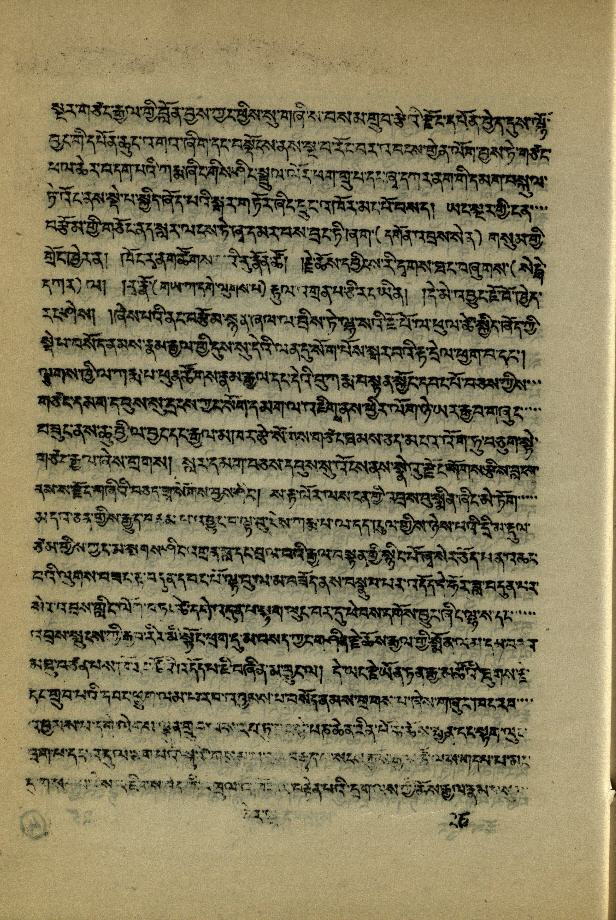སྔར་གཙང་རྒྱལ་གྱི་བློན་བྱས་ཀྱང་ཕྱིས་སུ་གཞི་ས་བསམ་གྲུབ་རྩེའི་རྫོང་དཔོན་བྱེད་དུས་ལྷོ་
བྱང་གི་དཔོན་ཆུང་འགའ་ཞིག་དང་བསྡོངས་ནས་སྔ་བ་རོང་བར་འབངས་གྱེན་ལོག་བྱས་ཏེ་གཙང་
ཕལ་ཆེར་བདག་པའི་ཀརྨ་ཞིང་གིས་ཤིང་སྤྲུལ་ལོར་ཕག་གྲུ་པ་དང་ཞྭ་དཀར་ནག་གི་དམག་བསྐུལ་
ཏེ་འོང་ནས་སྡེ་པ་སྐྱིད་ཞོད་པའི་སྒར་གཏོར་ཞིང་དྲུང་འཁོར་མང་པོ་བསད། ཡང་སྔར་གྱི་ངན་
བརྩོམ་གྱི་གཅོང་ནད་སླར་ལངས་ཏེ་ཞྭ་དམར་བས་བྲང་ཏི་ཞག་དགོན་འབྲས་སེན་གསུམ་གྱི་
གྲོང་ཁྱེར་ན། ཁོང་རྭ་ནག་ཚོགས་པའི་རུ་རྣོན་ཚོ། །རྗེ་ཆོས་དབྱིངས་རི་དྭགས་ཐང་བཞུགས་སེངྒེ་
དཀར་ལ། །རྭ་རྣོ་གཡ་ཀ?་དགེ་ལུགས་པ་རྟུལ་འགྲན་པ་ཅི་རང་ཡིན། །དེ་མེ་འབྱུང་ཇོ་བོ་ཁྱེད་
རང་ཤེས། །ཞེས་པའི་ནང་བརྩོམ་སྙན་ཞལ་ལ་བྲིས་ཏེ་ལྷ་སའི་ཇོ་བོ་ལ་ཕུལ་ཚེ་སྐྱིད་ཞོད་ཀྱི་
སྡེ་པ་བསོད་ནམས་རྣམ་རྒྱལ་གྱི་དུས་སུ་དེའི་ལན་དུ་སོག་པོས་སྒར་བའི་རྟ་དྲེལ་ཕྱག་བ་དང་།
ལྕགས་ཁྱི་ལ་ཀརྨ་པ་ཕུན་ཚོགས་རྣམ་རྒྱལ་དང་དེའི་བུ་ཀརྨ་བསྟན་སྐྱོང་དབང་པོ་བཅས་ཀྱིས་
གཙང་དམག་དབུས་སུ་དྲངས་ཀྱང་སོག་དམག་ལ་འཇིགས་ནས་ཕྱིར་ལོག་ཉེ་ཡར་རྒྱབ་གཞུང་
བཟུང་ནས་ཆུ་བྱི་ལ་བྱང་དང་རྒྱལ་མཁར་རྩེ་སོགས་གཙང་ཐམས་ཅད་མངའ་འོག་ཏུ་བཅུག་སྟེ་
གཙང་རྒྱལ་ཞེས་གྲགས། སླར་དམག་བཅས་དབུས་སུ་འོངས་ནས་སྣེའུ་རྫོང་སོགས་རྩིས་བླངས་
ནས་ས་རྫོང་གཞིའི་བཅད་གྲྭ་སོགས་བྱས་ཤིང་། ས་རྟ་ལོར་ལས་ངན་གྱི་འབྲས་བུ་སྨིན་ཞིང་མེ་ཏོག་
མདའ་ཅན་གྱིས་རྒྱུད་བརླམ?་པ་འབྱུང་བ་ལྟ་བུ་ངེས་ཀརྨ་པ་ལ་དད་ཁུལ་གྱིས་ཉེས་པའི་དྲི་མ་རྡུལ་
ཙམ་གྱིས་ཀྱང་མ་སྤགས་ཤིང་འགྲན་སླ་དང་བྲལ་བའི་རྒྱལ་བསྟན་གྱི་སྙིང་པོ་ཞྭ་སེར་ཅོད་པ་ན་འཆང་
བའི་ལུགས་བཟང་རྟ་བདུན་དབང་པོ་ལྟ་བུ་ལ་མ་བཟོད་ནས་བསྣུབ་པར་འདོད་དེ་ཧོར་ཟླ་བདུན་པར་
སེར་འབྲས་གླིང་ལོག་བཏང་ཚེ་དགེ་འདུན་པ་སྟག་ལུང་བར་དུ་ཕེབས་དགོས་བྱུང་ཞིང་ལྷ་ས་དང་
འབྲས་སྤུངས་ཀྱི་རྒྱ་བ་རིར་མི་སྟོང་ཕྲག་དུ་མ་བསད་ཀྱང་གཤིན་རྗེ་ཆོས་རྒྱལ་གྱི་སྨོན་ལམ་དམ་བཅའ?
མཐུ་བཙན་པས་ཁོར་འཚོའི་འདོད་པ་ཇི་བཞིན་མ་བྱུང་ལ། དེ་ཡང་རྗེ་ཡོན་ཏན་རྒྱ་མཚོའི་ཐུགས་རྗེ་
དང་གྲུབ་པའི་དབང་ཕྱུག་ལམ་པ་རབ་འབྱམས་པ་བསོད་ནམས་གྲགས་པ་ཞེས་གཞུང་ཁང་རབ་
འབྱམས་པ་དགེ་ལེགས་ལྷུན་གྲུབ་པས་རབ་ཏུ་བསྟེ་པཎ་ཆེན་རིན་པོ་ཆེ་ཆོས་སྤྱན་དང་སྟག་ལུང་
བྲག་པ་དང་འདུལ་ནག་པིའ་སྐུ་ར་གསུམ་པ་?་བརྒྱུད་པ་སངས་རྒྱས་ཚོ?་ལས་གདབ་པ་མང་
དུ་?་?་པའི་ས་འཇིགས་བེད?་ཀྱི་འཁྲུལ་འཁོར་བརྟེན་པའི་དྲག་ལས་ཀྱི་ཆོས་རྒྱལ་རྣམ་?